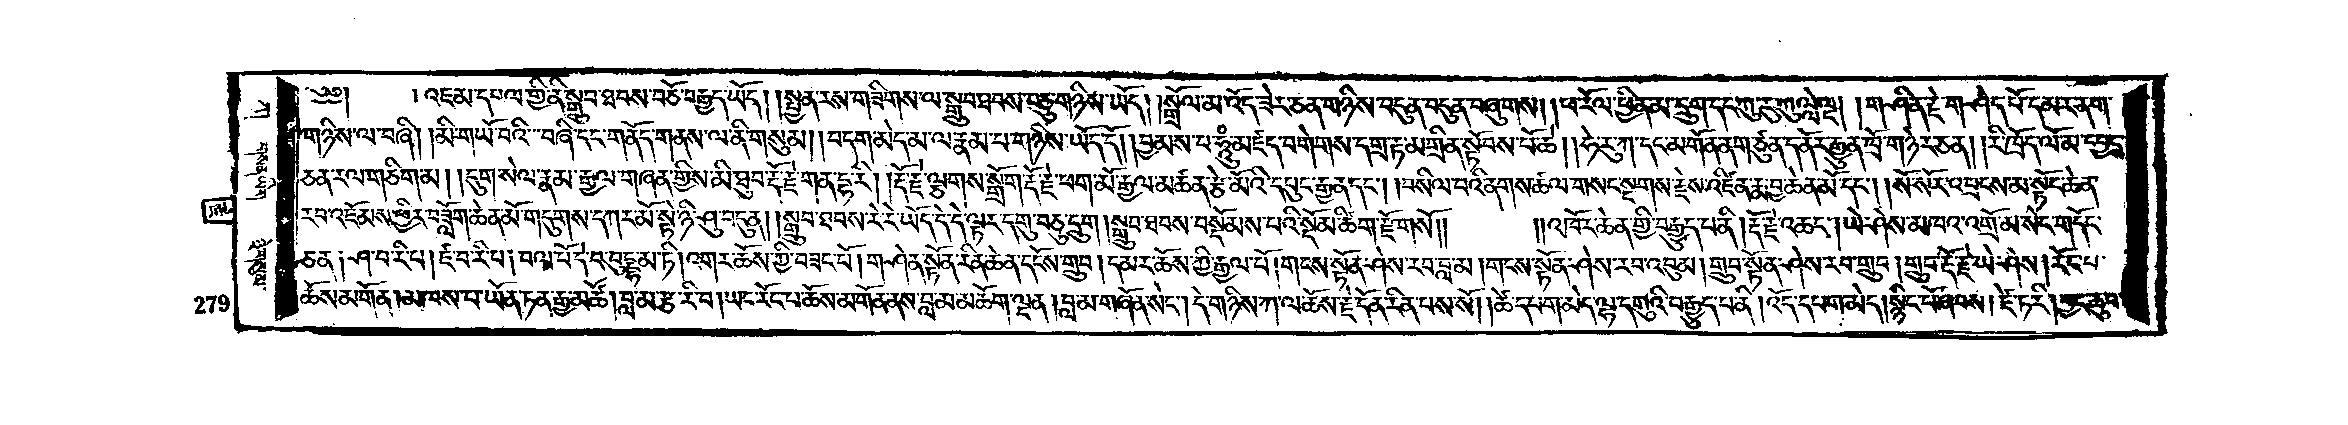༄༅། །འཇམ་དཔལ་གྱི་ནི་སྒྲུབ་ཐབས་བཅོ་བརྒྱད་ཡོད། །སྤྱན་རས་གཟིགས་ལ་སྒྲུབ་ཐབས་བཅུ་གཉིས་ཡོད། །སྒྲོལ་མ་འོད་ཟེར་ཅན་གཉིས་བདུན་བདུན་བཞུགས། །ཕ་རོལ་ཕྱིན་མ་དྲུག་དང་ཀུ་རུ་ཀུ་ལླེ་ལྔ། །གཤིན་རྗེ་གཤེད་པོ་དམར་ནག་
གཉིས་ལ་བཞི། །མི་གཡོ་བའི་བཞི་དང་གནོད་གནས་ལ་ནི་གསུམ། །བདག་མེད་མ་ལ་རྣམ་པ་གཉིས་ཡོད་དོ། །བྱམས་པ་ཧཱུཾ་མཛད་བགེགས་དགྲ་རྟ་མགྲིན་སྟོབས་པོ་ཆེ། །ཧེ་རུ་ཀ་དང་མགོན་ནག་ཙུན་ད་ནོར་རྒྱུན་ཁྲོ་གཉེར་ཅན། །རི་ཁྲོད་ལོ་མ་དབྱངས་
ཅན་རལ་གཅིག་མ། །དུག་སེལ་རྣམ་རྒྱལ་གཞན་གྱིས་མི་ཐུབ་རྡོ་རྗེ་གན་དྷ་རི། །རྡོ་རྗེ་ལྕགས་སྒྲོག་རྡོ་རྗེ་ཕག་མོ་རྒྱལ་མཚན་རྩེ་མོའི་དཔུང་རྒྱན་དང་། །བསིལ་བའི་ནགས་ཚལ་གསང་སྔགས་རྗེས་འཛིན་རྨ་བྱ་ཆེན་མོ་དང་། །སོ་སོར་འབྲངས་མ་སྟོང་ཆེན་
རབ་འཇོམས་ཕྱིར་བཟློག་ཆེན་མོ་གདུགས་དཀར་མོ་སྟེ་ཉི་ཤུ་བདུན། །སྒྲུབ་ཐབས་རེ་རེ་ཡོད་དེ་དེ་ལྟར་དགུ་བཅུ་དྲུག །སྒྲུབ་ཐབས་བསྡོམས་པའི་སྡོམ་ཚིག་རྫོགས་སོ།། །།འཁོར་ཆེན་གྱི་བརྒྱུད་པ་ནི། རྡོ་རྗེ་འཆང་།ཡེ་ཤེས་མཁའ་འགྲོ་མ་སེང་གདོང་
ཅན༑ ཤ་བ་རི་པ། ཛ་བ་རི་པ༑ བལ་པོ་དེ་བ་བུདྡྷ་མ་ཏི། འགར་ཆོས་ཀྱི་བཟང་པོ། གཤེན་སྟོན་རིན་ཆེན་དངོས་གྲུབ་།དམར་ཆོས་ཀྱི་རྒྱལ་པོ། གངས་སྟོན་ཤེས་རབ་བླ་མ། གངས་སྟོན་ཤེས་རབ་འབུམ། གྲུབ་སྟོན་ཤེས་རབ་གྲུབ། གྲུབ་རྡོ་རྗེ་ཡེ་ཤེས། རོང་པ་
ཆོས་མགོན། མཁས་པ་ཡོན་ཏན་རྒྱ་མཚོ། བླ་མ་རྩ་རི་བ། ཡང་རོང་པ་ཆོས་མགོན་ནས་བླ་མ་མཆོག་ལྡན་།བླ་མ་གཞོན་སེང་། དེ་གཉིས་ཀ་ལ་ཆོས་རྗེ་དོན་རིན་པས་སོ། །ཚེ་དཔག་མེད་ལྷ་དགུའི་རྒྱུད་པ་ནི། འོད་དཔག་མེད། སྙིང་པོ་ཞབས། ཛེ་ཏ་རི། བྱང་ཆུབ་